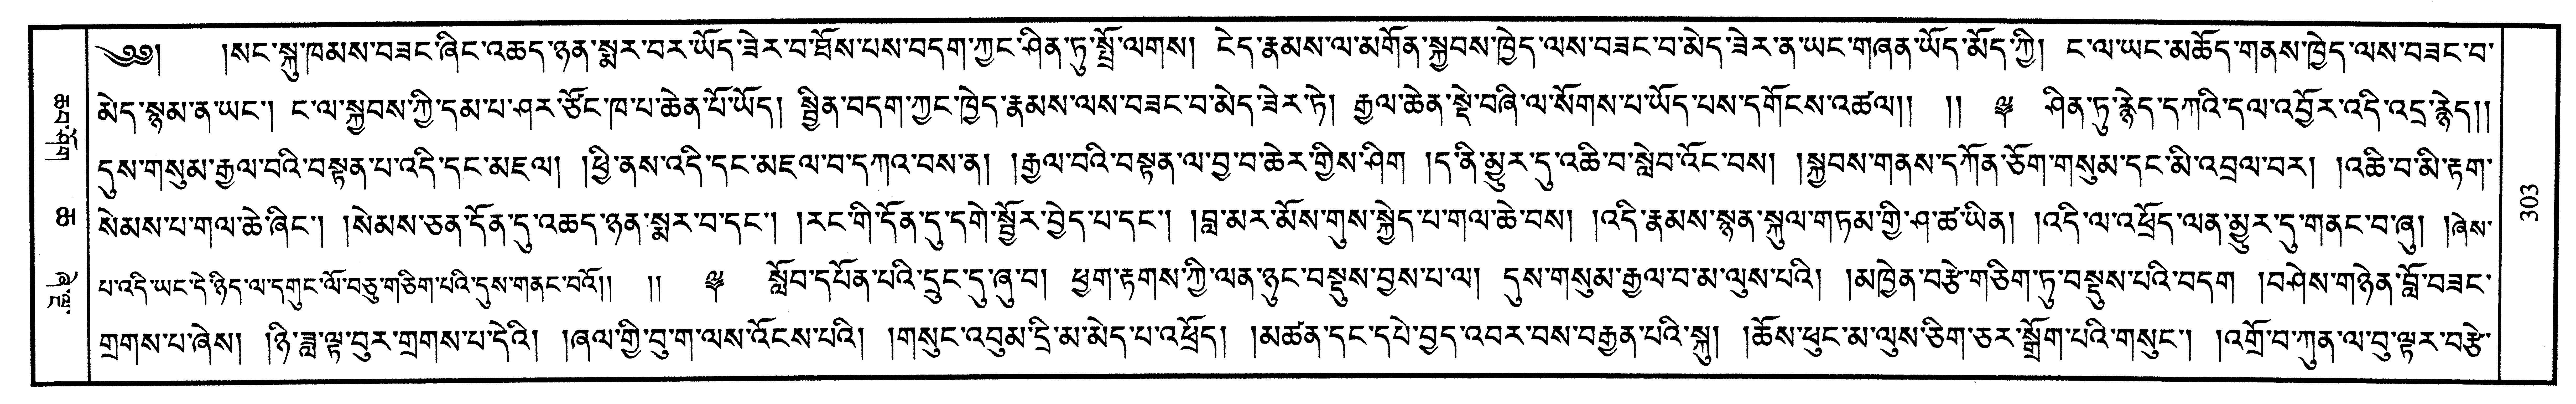༄༅། །སང་སྐུ་ཁམས་བཟང་ཞིང་འཆད་ཉན་སྨར་བར་ཡོད་ཟེར་བ་ཐོས་པས་བདག་ཀྱང་ཤིན་ཏུ་སྤྲོ་ལགས། ངེད་རྣམས་ལ་མགོན་སྐྱབས་ཁྱེད་ལས་བཟང་བ་མེད་ཟེར་ན་ཡང་གཞན་ཡོད་མོད་ཀྱི། ང་ལ་ཡང་མཆོད་གནས་ཁྱེད་ལས་བཟང་བ་
མེད་སྙམ་ན་ཡང་། ང་ལ་སྐྱབས་ཀྱི་དམ་པ་ཤར་ཙོང་ཁ་པ་ཆེན་པོ་ཡོད། སྦྱིན་བདག་ཀྱང་ཁྱེད་རྣམས་ལས་བཟང་བ་མེད་ཟེར་ཏེ། རྒྱལ་ཆེན་སྡེ་བཞི་ལ་སོགས་པ་ཡོད་པས་དགོངས་འཚལ།། །། ༈ ཤིན་ཏུ་རྙེད་དཀའི་དལ་འབྱོར་འདི་འདྲ་རྙེད།།
དུས་གསུམ་རྒྱལ་བའི་བསྟན་པ་འདི་དང་མཇལ། །ཕྱི་ནས་འདི་དང་མཇལ་བ་དཀའ་བས་ན། །རྒྱལ་བའི་བསྟན་ལ་བྱ་བ་ཆེར་གྱིས་ཤིག །ད་ནི་མྱུར་དུ་འཆི་བ་སླེབ་འོང་བས། །སྐྱབས་གནས་དཀོན་ཅོག་གསུམ་དང་མི་འབྲལ་བར། །འཆི་བ་མི་རྟག་
སེམས་པ་གལ་ཆེ་ཞིང་། །སེམས་ཅན་དོན་དུ་འཆད་ཉན་སྨར་བ་དང་། །རང་གི་དོན་དུ་དགེ་སྦྱོར་བྱེད་པ་དང་། །བླ་མར་མོས་གུས་སྐྱེད་པ་གལ་ཆེ་བས། །འདི་རྣམས་སྙན་སྐུལ་གཏམ་གྱི་ཤ་ཚ་ཡིན། །འདི་ལ་འཕྲོད་ལན་མྱུར་དུ་གནང་བ་ཞུ། །ཞེས་
པ་འདི་ཡང་དེ་ཉིད་ལ་དགུང་ལོ་བཅུ་གཅིག་པའི་དུས་གནང་བའོ།། །། ༈ སློབ་དཔོན་པའི་དྲུང་དུ་ཞུ་བ། ཕྱག་རྟགས་ཀྱི་ལན་ཉུང་བསྡུས་བྱས་པ་ལ། དུས་གསུམ་རྒྱལ་བ་མ་ལུས་པའི། །མཁྱེན་བརྩེ་གཅིག་ཏུ་བསྡུས་པའི་བདག། །བཤེས་གཉེན་བློ་བཟང་
གྲགས་པ་ཞེས། །ཉི་ཟླ་ལྟ་བུར་གྲགས་པ་དེའི། །ཞལ་གྱི་བུ་ག་ལས་འོངས་པའི། །གསུང་འབུམ་དྲི་མ་མེད་པ་འཕྲོད། །མཚན་དང་དཔེ་བྱད་འབར་བས་བརྒྱན་པའི་སྐུ། །ཆོས་ཕུང་མ་ལུས་ཅིག་ཅར་སྒྲོག་པའི་གསུང་། །འགྲོ་བ་ཀུན་ལ་བུ་ལྟར་བརྩེ་